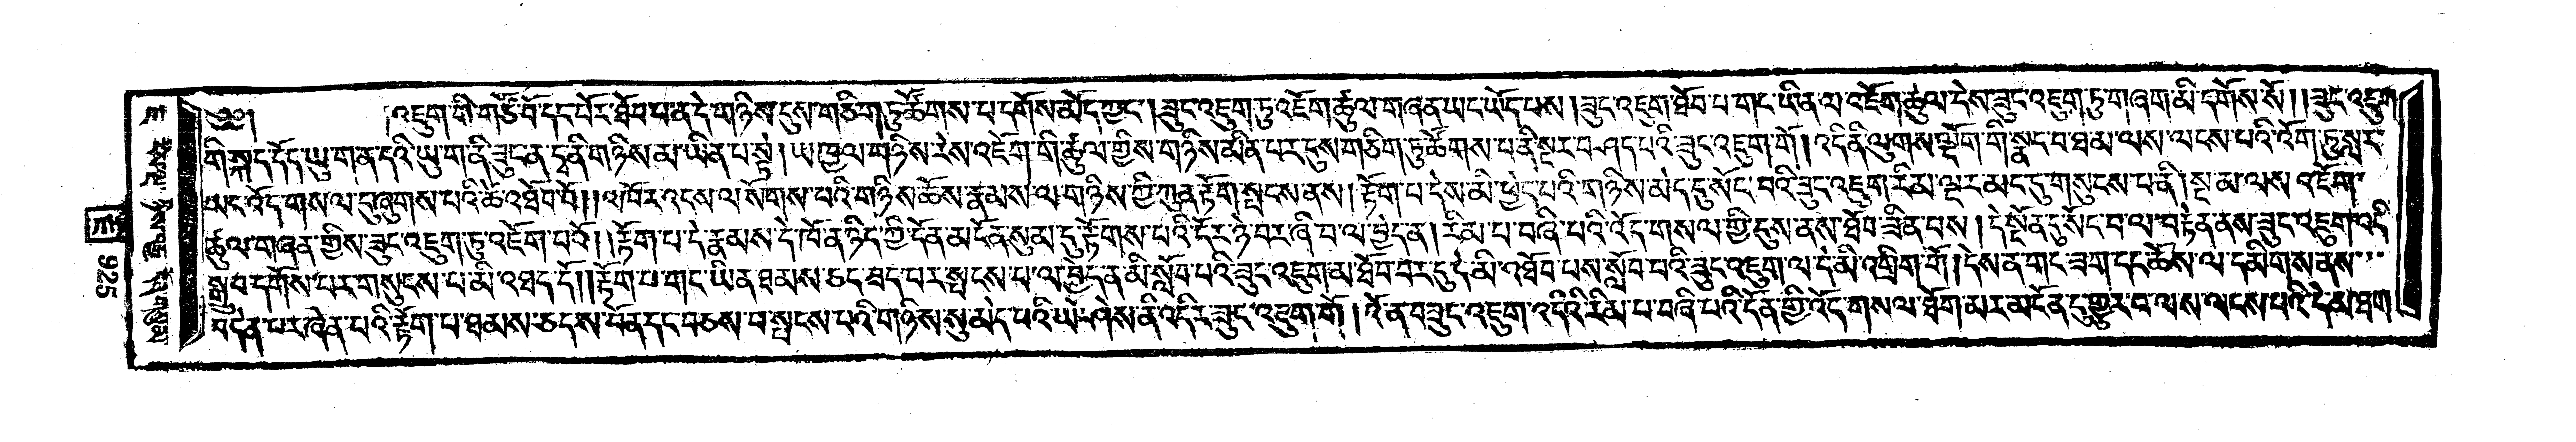༄༅། །འཇུག་གི་གཙོ་བོ་དང་པོར་ཐོབ་པ་ན་དེ་གཉིས་དུས་གཅིག་ཏུ་ཚོགས་པ་དགོས་མོད་ཀྱང་། ཟུང་འཇུག་ཏུ་འཇོག་ཚུལ་གཞན་ཡང་ཡོད་པས། ཟུང་འཇུག་ཐོབ་པ་གང་ཡིན་ལ་འཇོག་ཚུལ་དེས་ཟུང་འཇུག་ཏུ་གཞག་མི་དགོས་སོ། །ཟུང་འཇུག་
གི་སྐད་དོད་ཡུ་ག་ན་དྭའི་ཡུ་ག་ནི་ཟུང་ན་དྭ་ནི་གཉིས་མ་ཡིན་པ་སྟེ། ཡ་ཁྱལ་གཉིས་རེས་འཇོག་གི་ཚུལ་གྱིས་གཉིས་མིན་པར་དུས་གཅིག་ཏུ་ཚོགས་པ་ནི་སྔར་བཤད་པའི་ཟུང་འཇུག་གོ །འདི་ནི་ལུགས་ལྡོག་གི་སྣང་བ་ཐ་མ་ལས་ལངས་པའི་འོག་ཏུ་སླར་
ཡང་འོད་གསལ་དུ་ཞུགས་པའི་ཚེ་འཐོབ་པོ། །འཁོར་འདས་ལ་སོགས་པའི་གཉིས་ཆོས་རྣམས་ལ་གཉིས་ཀྱི་ཀུན་རྟོག་སྤངས་ནས། རྟོག་པ་དེས་མི་ཕྱེད་པའི་གཉིས་མེད་དུ་སོང་བའི་ཟུང་འཇུག་རིམ་ལྔར་མང་དུ་གསུངས་པ་ནི། སྔ་མ་ལས་འཇོག་
ཚུལ་གཞན་གྱིས་ཟུང་འཇུག་ཏུ་འཇོག་པའོ། །རྟོག་པ་དེ་རྣམས་དེ་ཁོ་ན་ཉིད་ཀྱི་དོན་མངོན་སུམ་དུ་རྟོགས་པའི་དོར་ཉེ་བར་ཞི་བ་ལ་བྱེད་ན། རིམ་པ་བཞི་པའི་འོད་གསལ་གྱི་དུས་ནས་ཐོབ་ཟིན་པས། དེ་སྔོན་དུ་སོང་བ་ལ་བརྟེན་ནས་ཟུང་འཇུག་འདི་
སྒྲུབ་དགོས་པར་གསུངས་པ་མི་འཐད་དོ། །རྟོག་པ་གང་ཡིན་ཐམས་ཅད་ཟད་པར་སྤངས་པ་ལ་བྱེད་ན་མི་སློབ་པའི་ཟུང་འཇུག་མ་ཐོབ་བར་དུ་དེ་མི་འཐོབ་པས་སློབ་པའི་ཟུང་འཇུག་ལ་དེ་མི་འགྲིག་གོ །དེས་ན་གང་ཟག་དང་ཆོས་ལ་དམིགས་ནས་
བདེན་པར་ཞེན་པའི་རྟོག་པ་ཐམས་ཅད་ས་བོན་དང་བཅས་པ་སྤངས་པའི་གཉིས་སུ་མེད་པའི་ཡེ་ཤེས་ནི་འདིར་ཟུང་འཇུག་གོ །འོ་ན་བཟུང་འཇུག་འདིའི་རིམ་པ་བཞི་པའི་དོན་གྱི་འོད་གསལ་ཐོག་མར་མངོན་དུ་གྱུར་པ་ལས་ལངས་པའི་དེ་མ་ཐག་